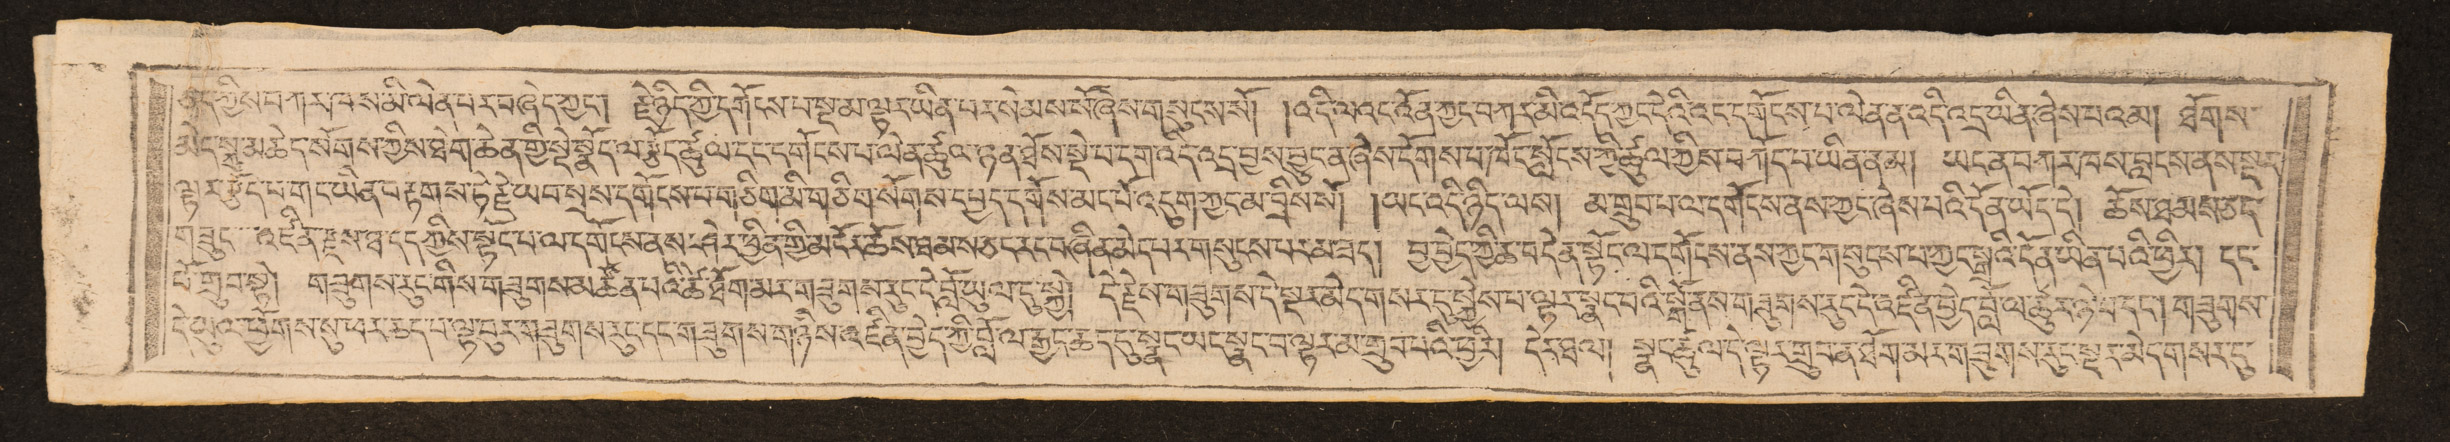ཅད་ཀྱིས་བཀར་ཁས་མི་ལེན་པར་བཞེད་ཀྱང་། རྗེ་ཉིད་ཀྱི་དགོངས་པ་སྔ་མ་ལྟར་ཡིན་པར་སེམས་སོ་ཞེས་གསུངས་སོ། །འདི་ལའང་འོན་ཀྱང་བཀར་མི་འདོད་ཀྱང་དེའི་འང་དགོངས་པ་ལེན་ན་འདི་འདྲ་ཡིན་ཞེས་པའམ། ཐོགས་
མེད་སྐུ་མཆེད་སོགས་ཀྱིས་ཐེག་ཆེན་གྱི་སྡེ་སྣོད་ལ་རྩོད་ཚུལ་དང་དགོངས་པ་ལེན་ཚུལ་ཉན་ཐོས་སྡེ་བ་དག་འདི་འདྲ་བྱས་བྱུང་ན་ཞེས་དོགས་པ་ཁོང་སློངས་ཀྱི་ཚུལ་ཀྱིས་བཀོད་པ་ཡིན་ནམ། ཡང་ན་བཀར་ཁས་བླངས་ནས་སྔར་
ལྟར་རྩོད་པ་གང་ཡིན་བརྟགས་ཏེ་རྗེ་ཡབ་སྲས་དགོངས་པ་གཅིག་མི་གཅིག་སོགས་དཔྱད་དགོས་མང་པོ་འདུག་ཀྱང་མ་བྲིས་སོ། །ཡང་འདི་ཉིད་ལས། མ་གྲུབ་པ་ལ་དགོངས་ནས་ཀྱང་ཞེས་པའི་དོན་ཡོད་དེ། ཆོས་ཐམས་ཅད་
གཟུང་འཛིན་རྫས་ཐ་དད་ཀྱིས་སྟོང་པ་ལ་དགོངས་ནས་ཤེར་ཕྱིན་གྱི་མདོར་ཆོས་ཐམས་ཅད་རང་བཞིན་མེད་པར་གསུངས་པར་མ་ཟད། བྱ་བྱེད་ཀྱི་ཆ་བདེན་སྟོང་ལ་དགོངས་ནས་ཀྱང་གསུངས་པ་ཀྱང་སྒྲའི་དོན་ཡིན་པའི་ཕྱིར། དང་
པོ་གྲུབ་སྟེ། གཟུགས་རུང་གིས་གཟུགས་མཚོན་པའི་ཚེ་ཐོག་མར་གཟུགས་རུང་དེ་བློ་ཡུལ་དུ་སྐྱེ། དེ་རྗེས་གཟུགས་དེ་སྔར་མེད་གསར་དུ་སྐྱེས་པ་ལྟར་སྣང་བའི་སྒོ་ནས་གཟུགས་རུང་དེ་འཛིན་བྱེད་བློ་ལ་ཚུར་ཉེ་བ་དང་། གཟུགས་
དེ་ཡུལ་ཕྱོགས་སུ་ཕར་ཆད་པ་ལྟ་བུར་གཟུགས་རུང་དང་གཟུགས་གཉིས་འཛིན་བྱེད་ཀྱི་བློ་ལ་རྒྱང་ཆད་དུ་སྣང་ཡང་སྣང་བ་ལྟར་མ་གྲུབ་པའི་ཕྱིར། དེར་ཐལ། སྣང་ཚུལ་དེ་ལྟར་གྲུབ་ན་ཐོག་མར་གཟུགས་རུང་སྔར་མེད་གསར་དུ་